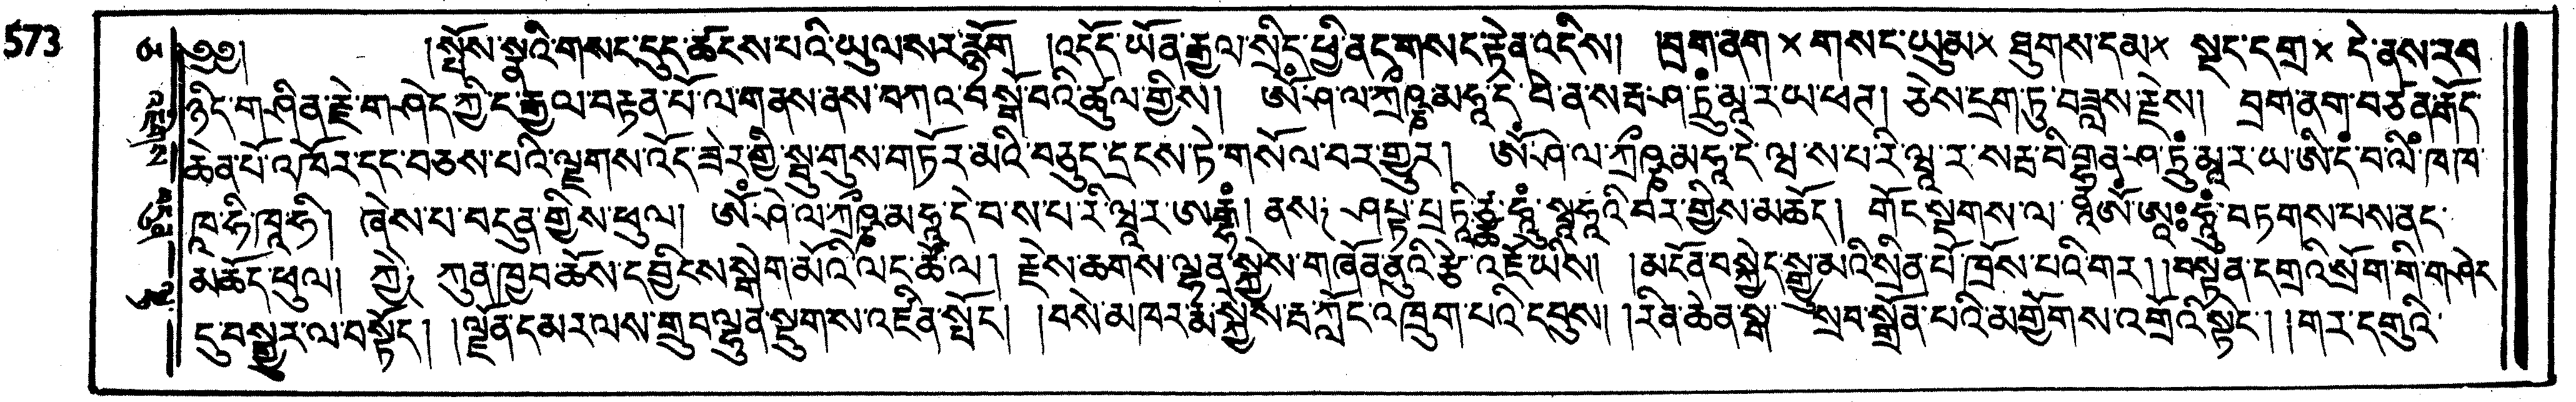༄༅། །སྤོས་སྣའི་གསང་དུད་ཚངས་པའི་ཡུལ་སར་རྙོག །འདོད་ཡོན་རྒྱལ་སྲིད་ཕྱི་ནང་གསང་རྟེན་འདིས། །བྲག་ནག་྾་གསང་ཡུམ་྾་ཐུགས་དམ་྾་སྡང་དགྲ་྾་དེ་ནས་རབ་
ཉིད་གཤིན་རྗེ་གཤེད་ཀྱི་ང་རྒྱལ་བརྟན་པོ་ལ་གནས་ནས་བཀའ་བསྒོ་བའི་ཚུལ་གྱིས། ཨོཾ་ཤ་ལ་ཀྲྀཥྞ་མྷཱ་དེ་བེ་ན་སརྦ་ཤ་ཏྲུཾ་མཱ་ར་ཡ་ཕཊ། ཅེས་དྲག་ཏུ་བཟླས་རྗེས། བྲག་ནག་བཙན་རྒོད་
ཆེན་པོ་འཁོར་དང་བཅས་པའི་ལྗགས་འོད་ཟེར་གྱི་སྦུ་གུས་གཏོར་མའི་བཅུང་དྲངས་ཏེ་གསོལ་བར་གྱུར། ཨོཾ་ཤེ་ལ་ཀྲྀཥྞ་མྷ་དེ་ཝ་ས་པ་རི་ཝཱ་ར་སརྦ་བི་གྷྣཱན་ཤ་ཏྲུཾ་མཱ་ར་ཡ་ཨི་དཾ་བ་ལིཾ་ཁ་ཁ་
ཁཱ་ཧི་ཁཱ་ཧི། ཞེས་པ་བདུན་གྱིས་ཕུལ། ཨོཾ་ཤེ་ལ་ཀྲྀཥྞ་མྷཱུ་དེ་བ་ས་པ་རི་ཝཱ་ར་ཨརྒྷཾ། ནས༑ ཤཔྟ་པྲ་ཏཱི་ཙྪ་ཧཱུཾ་སྭཱཧཱའི་བར་གྱིས་མཆོད། གོང་སྔགས་ལ་ཨོཾ་ཨཱཿ ཧཱུཾ་བཏགས་པས་ནང་
མཆོད་ཕུལ། ཀྱཻ༑ ཀུན་ཁྱབ་ཆོས་དབྱིངས་སྒེག་མོའི་ལང་ཚོ་ལ། རྗེས་ཆགས་ལྷན་སྐྱེས་གཞོན་ནུའི་རྩེ་འཇོ་ཡིས། །མངོན་བསྐྱེད་མའི་སྲིན་པོ་ཁྲོས་པའི་གར། །བསྟན་དགྲའི་སྲོག་གི་གཤེད་
དུ་བསྒྱུར་ལ་བསྟོད། །ལྗོན་དམར་ལས་གྲུབ་ལྷུན་སྡུགས་འཛིན་སྤོང་། །བསེ་མཁར་རྨ་སྐྱེས་རྦ་ཀློང་འཁྲུག་པའི་དབུས། །རིན་ཆེན་སྒ་སྲབ་སྒྲོན་པའི་མགྱོགས་འགྲོའི་སྟེང་། །གར་དགུའི་